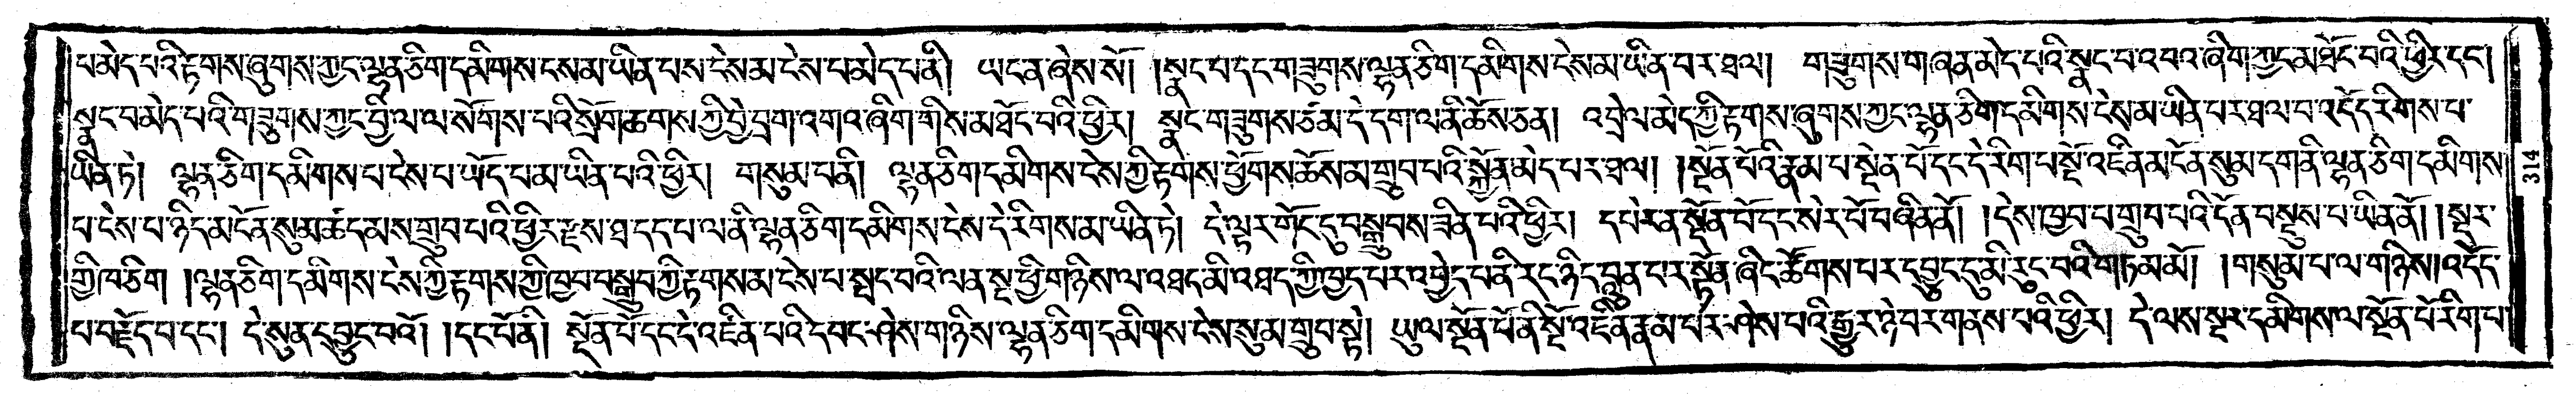པ་མེད་པའི་རྟགས་ཞུགས་ཀྱང་ལྷན་ཅིག་དམིགས་ངས་མ་ཡིན་པས་ངེས་མ་ངེས་པ་མེད་པ་ནི། ཡང་ན་ཞེས་སོ། །སྣང་བ་དང་གཟུགས་ལྷན་ཅིག་དམིགས་ངེས་མ་ཡིན་པར་ཐལ། གཟུགས་གཞན་མེད་པའི་སྣང་བ་འབའ་ཞིག་ཀྱང་མཐོང་བའི་ཕྱིར་དང་།
སྣང་བ་མེད་པའི་གཟུགས་ཀྱང་བྱི་ལ་ལ་སོགས་པའི་སྲོག་ཆགས་ཀྱི་བྱེ་བྲག་འགའ་ཞིག་གིས་མཐོང་བའི་ཕྱིར། སྣང་གཟུགས་ཙམ་དེ་དག་ལ་ནི་ཆོས་ཅན། འབྲེལ་མེད་ཀྱི་རྟགས་ཞུགས་ཀྱང་ལྷན་ཅིག་དམིགས་ངེས་མ་ཡིན་པར་ཐལ་བ་འདོད་རིགས་པ་
ཡིན་ཏེ། ལྷན་ཅིག་དམིགས་པ་ངེས་པ་ཡོད་པ་མ་ཡིན་པའི་ཕྱིར། གསུམ་པ་ནི། ལྷན་ཅིག་དམིགས་ངེས་ཀྱི་རྟགས་ཕྱོགས་ཆོས་མ་གྲུབ་པའི་སྐྱོན་མེད་པར་ཐལ། །སྔོན་པོའི་རྣམ་པ་སྔོན་པོ་དང་དེ་རིག་པ་སྔོ་འཛིན་མངོན་སུམ་དག་ནི་ལྷན་ཅིག་དམིགས་
པ་ངེས་པ་ཉིད་མངོན་སུམ་ཚད་མས་གྲུབ་པའི་ཕྱིར་རྫས་ཐ་དད་པ་ལ་ནི་ལྷན་ཅིག་དམིགས་ངེས་དེ་རིགས་མ་ཡིན་ཏེ། དེ་ལྟར་གོང་དུ་བསྒྲུབས་ཟིན་པའི་ཕྱིར། དཔེར་ན་སྔོན་པོ་དང་སེར་པོ་བཞིན་ནོ། །དེས་ཁྱབ་པ་གྲུབ་པའི་དོན་བསྡུས་པ་ཡིན་ནོ། །སྔར་
གྱི་ཁ་ཅིག །ལྷན་ཅིག་དམིགས་ངེས་ཀྱི་རྟགས་ཀྱི་ཁྱབ་བསྒྲུབ་ཀྱི་རྟགས་མ་ངེས་པ་སྤང་བའི་ལན་སྔ་ཕྱི་གཉིས་ལ་འཐད་མི་འཐད་ཀྱི་ཁྱད་པར་འབྱེད་པ་ནི་རང་ཉིད་བླུན་པར་སྟོན་ཞིང་ཚོགས་པར་དབྱུང་དུ་མི་རུང་བའི་གཏམ་མོ། །གསུམ་པ་ལ་གཉིས། འདོད་
པ་བརྗོད་པ་དང་། དེ་སུན་དབྱུང་བའོ། །དང་པོ་ནི། སྔོན་པོ་དང་དེ་འཛིན་པའི་དབང་ཤེས་གཉིས་ལྷན་ཅིག་དམིགས་ངེས་སུ་མ་གྲུབ་སྟེ། ཡུལ་སྔོན་པོ་ནི་སྔོ་འཛིན་རྣམ་པར་ཤེས་པའི་རྒྱུར་ཉེ་བར་གནས་པའི་ཕྱིར། དེ་ལས་སྔར་དམིགས་ལ་སྔོན་པོ་རིག་པ་